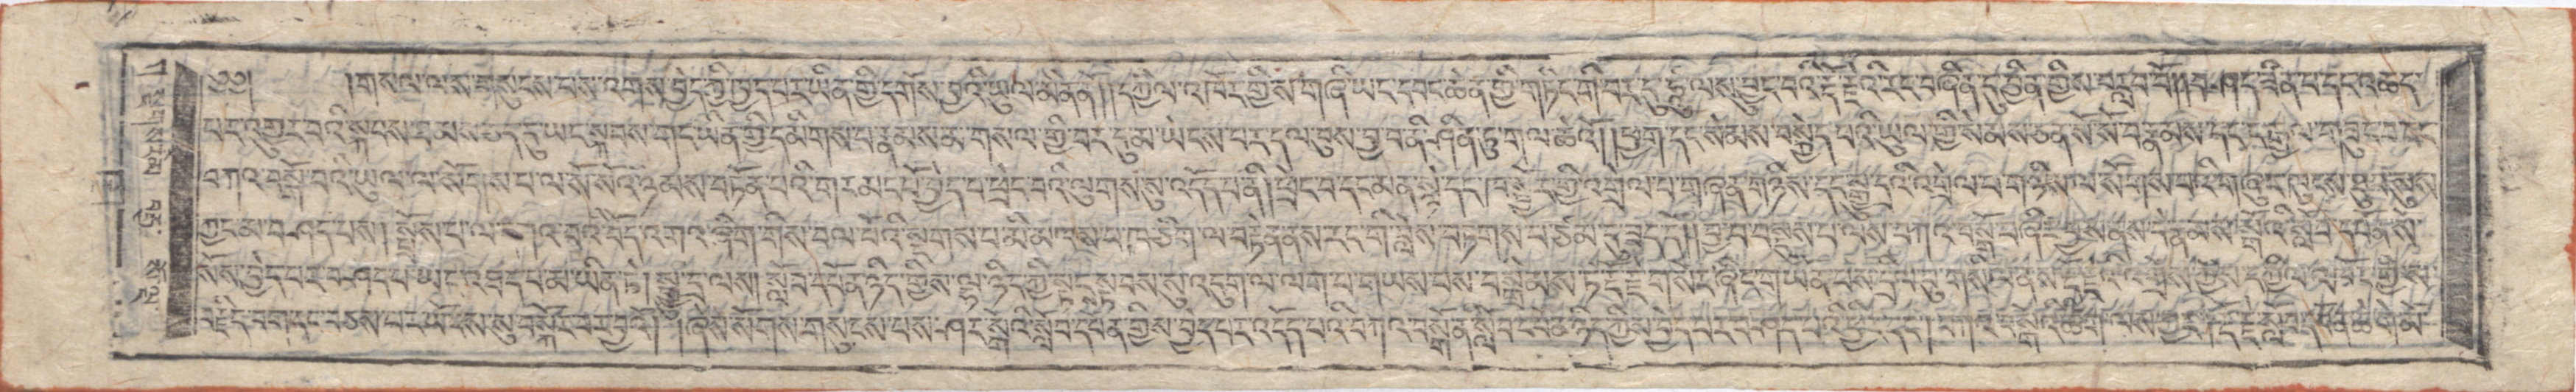༄༅། །གསལ་ལས་གསུངས་པས་འགས་བྱེད་ཀྱི་ཁྱད་པར་ཡིན་གྱི་དགོས་བྱའི་ཡུལ་མིན་ནོ། །དཀྱིལ་འཁོར་གྱི་ས་གཞི་ཡང་དབང་ཆེན་གྱི་གཏིང་གི་བར་དུ་ཧཱུཾ་ལས་བྱུང་བའི་རྡོ་རྗེའི་རང་བཞིན་དུ་བྱིན་གྱིས་བརླབ་བོ། །བཤད་ཟིན་པ་དང་འཆད་
པར་འགྱུར་བའི་སྐབས་ཐམས་ཅད་དུ་ཡང་སྐབས་གང་ཡིན་གྱི་དམིགས་པ་རྣམས་མ་གསལ་གྱི་བར་དུ་མ་ཡེངས་པར་དལ་བུས་བྱ་བ་ནི་ཤིན་ཏུ་གལ་ཆེའོ། །ཕྱག་དང་སེམས་བསྐྱེད་པའི་ཡུལ་གྱི་སེམས་ཅན་སོ་སོ་བ་རྣམས་དང་ང་རྒྱལ་གཟུང་བ་དང་
བཀའ་བསྒོ་བའི་ཡུལ་ལ་སོགས་པ་ལ་སོ་སོའི་ཉམས་བཏོན་པའི་གར་མང་པོ་བྱེད་པ་ཕྲེང་བའི་ལུགས་སུ་འདོད་པ་ནི། ཕྲེང་བ་དང་མན་སྙེ་དང་ཁ་སྦྱོར་གྱི་འགྲེལ་པ་གཞན་གཉིས་དང་སྒྱུ་དྲའི་འགྲེལ་པ་གཉིས་ལ་སོགས་པའི་གཞུང་ཁུངས་ཐུབ་སུས་
ཀྱང་མ་བཤད་པས། སྤྲོས་པ་ལ་དགའ་བའི་བོད་འགའ་ཞིག་གིས་བལ་པོའི་སྔགས་པ་མི་མཁས་པ་ཁ་ཅིག་ལ་བརྟེན་ནས་རང་གི་བློས་བཏགས་པ་ཙམ་དུ་ཟད་དོ། །བྱ་བ་བསྡུས་པ་ལས་བཀའ་བསྒོ་བཞིར་བྱས་ནས་དེ་རྣམས་སྒོའི་སློབ་དཔོན་སོ་
སོས་བྱེད་པར་བཤད་པ་ཡང་འཐད་པ་མ་ཡིན་ཏེ། སྒྱུ་དྲ་ལས། སློབ་དཔོན་ཉིད་གྱིས་ལྷ་ཉིད་ཀྱི་སྟངས་སྟབས་སུ་འདུག་ལ་ལག་པ་གཡས་པས་བསྒྲིམས་ཏེ་རྡོ་རྗེ་གསོར་ཞིང་གཡོན་པས་དྲིལ་བུ་གསིལ་ནས་རྡོ་རྗེའི་འགྲོས་ཀྱིས་དཀྱིལ་འཁོར་གྱི་ས་
བརྗིད་བག་དང་བཅས་པར་ཡོངས་སུ་བསྐོར་བར་བྱའོ། །ཞེས་སོགས་གསུངས་པས་ཤར་སྒོའི་སློབ་དཔོན་གྱིས་བྱེད་པར་འདོད་པའི་བཀའ་བསྒོ་ནི་སློབ་དཔོན་ཉིད་ཀྱིས་བྱེད་པར་བཤད་པའི་ཕྱིར་དང་། བཀའ་བསྒོའི་ཚིག་ལས་ཀྱང་། རྡོ་རྗེ་སློབ་དཔོན་ཆེ་གེ་མོ་